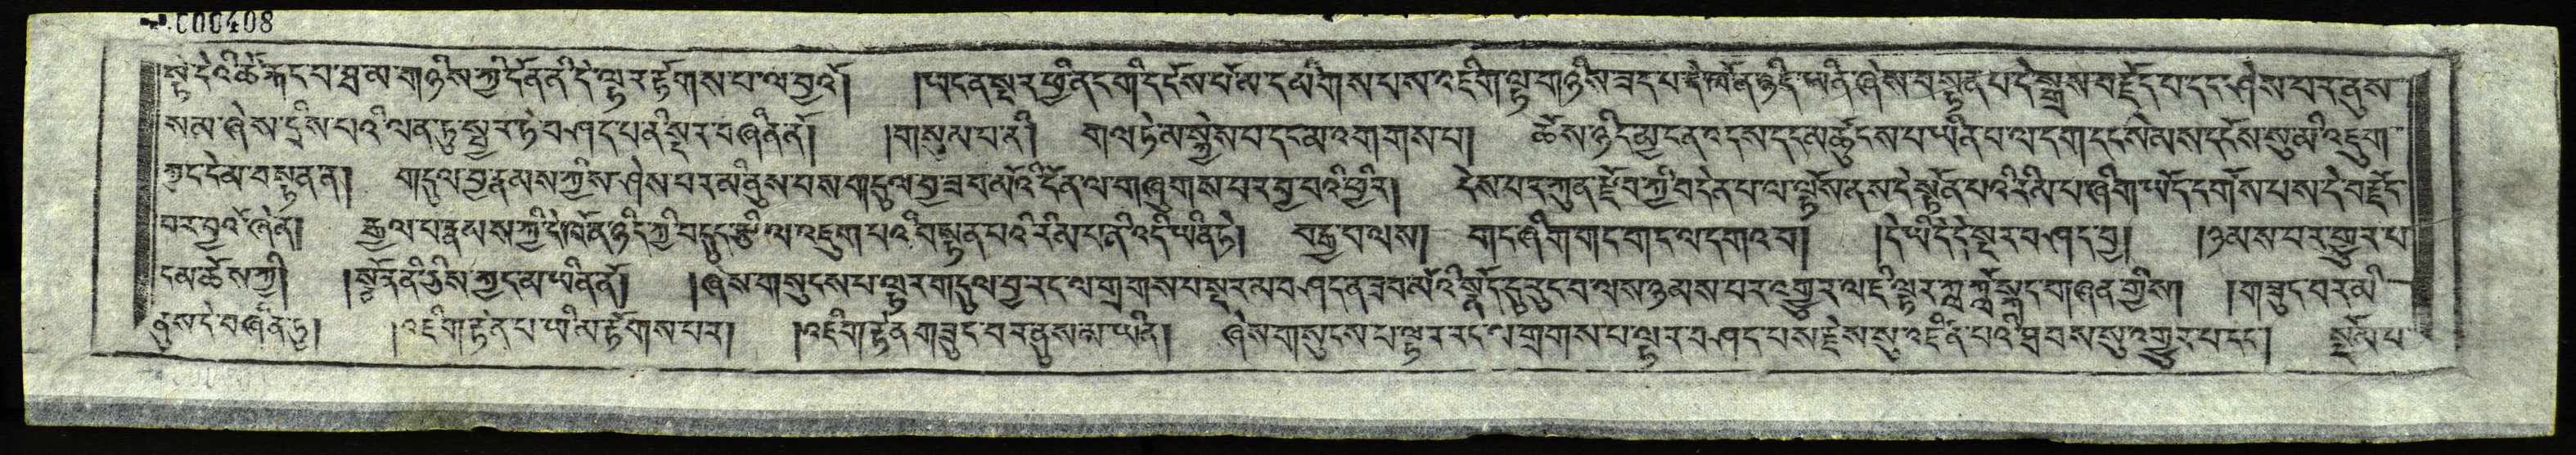སྟེ་དེའི་ཚེ་རྐང་པ་ཐ་མ་གཉིས་ཀྱི་དོན་ནི་དེ་ལྟར་རྟོགས་པ་ལ་བྱའོ། །ཡང་ན་སྔར་ཕྱི་ནང་གི་དངོས་པོ་མ་དམིགས་པས་འཇིག་ལྟ་གཉིས་ཟད་པ་དེ་ཁོ་ན་ཉིད་ཡིན་ཞེས་བསྟན་པ་དེ་སྒྲས་བརྗོད་པ་དང་ཤེས་པར་ནུས་
སམ་ཞེས་དྲིས་པའི་ལན་ཏུ་སྦྱར་ཏེ་བཤད་པ་ནི་སྔར་བཞིན་ནོ། །གསུམ་པ་ནི། གལ་ཏེ་མ་སྐྱེས་པ་དང་མ་འགགས་པ། ཆོས་ཉིད་མྱ་ངན་འདས་དང་མཚུངས་པ་ཡིན་པ་ལ་དག་དང་སེམས་དངོས་སུ་མི་འཇུག་
ཀྱང་དེ་མ་བསྟན་ན། གདུལ་བྱ་རྣམས་ཀྱིས་ཤེས་པར་མི་ནུས་པས་གདུལ་བྱ་ཟབ་མོའི་དོན་ལ་གཞུགས་པར་བྱ་བའི་ཕྱིར། དེས་པར་ཀུན་རྫོབ་ཀྱི་བདེན་པ་ལ་ལྟོས་ནས་དེ་སྟོན་པའི་རིམ་པ་ཞིག་ཡོད་དགོས་པས་དེ་བརྗོད་
པར་བྱའོ་ཞེ་ན། རྒྱལ་བ་རྣམས་ཀྱི་དེ་ཁོ་ན་ཉིད་ཀྱི་བདུད་རྩི་ལ་འཇུག་པའི་བསྟན་པའི་རིམ་པ་ནི་འདི་ཡིན་ཏེ། བརྒྱ་པ་ལས། གང་ཞིག་གང་གང་ལ་དགའ་བ། །དེ་ཡི་དེ་དེ་སྔར་བཤད་བྱ། །ཉམས་པར་གྱུར་པ་
དམ་ཆོས་ཀྱི། །སྣོན་ནི་ཅིས་ཀྱང་མ་ཡིན་ནོ། །ཞེས་གསུངས་པ་ལྟར་གདུལ་བྱ་རང་ལ་གྲགས་པ་སྔར་མ་བཤད་ན་ཟབ་མོའི་སྣོད་དུ་རུང་བ་ལས་ཉམས་པར་འགྱུར་ལ་ཇི་ལྟར་ཀླ་ཀློ་སྐད་གཞན་གྱིས། །གཟུང་བར་མི་
ནུས་དེ་བཞིན་དུ། །འཇིག་རྟེན་པ་ཡི་མ་རྟོགས་པར། །འཇིག་རྟེན་གཟུང་བར་ནུས་མ་ཡིན། ཞེས་གསུངས་པ་ལྟར་རང་ལ་གྲགས་པ་ལྟར་བཤད་པས་རྗེས་སུ་འཛིན་པའི་ཐབས་སུ་འགྱུར་པ་དང་། སྡོམ་པ་